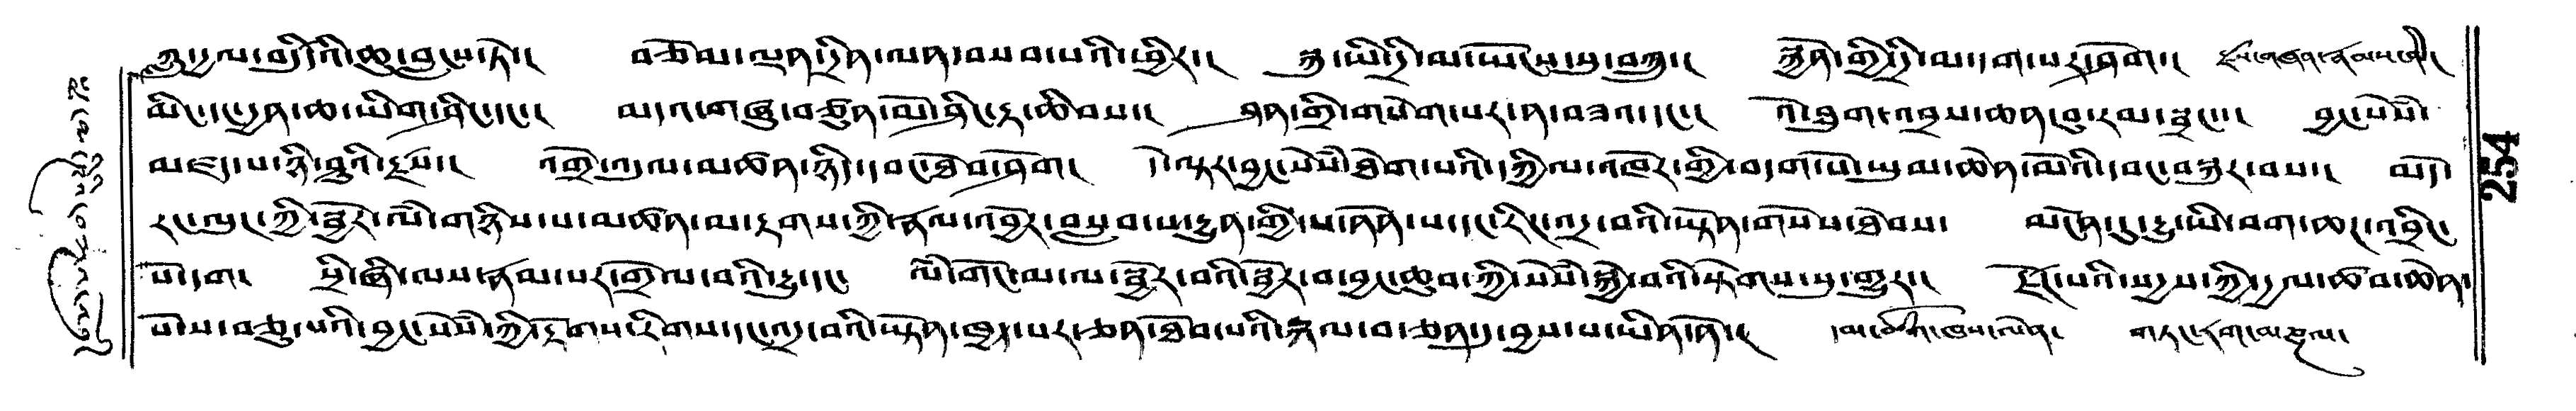ཀླུ་རྒྱལ་བདུད་རྩིའི་ཆུ་བླངས་ཏེ། །བཅོམ་ལྡན་དྲིན་ལན་གསབ་པའི་ཕྱིར། །སྐུ་ཡི་དྲི་མ་ཡོངས་སུ་བཀྲུ། །སྐྱོན་གྱི་དྲི་མ་དག་པར་ཤོག རྫས་གཞན་རྣམས་ནི། 
མིང་དང་རྒྱན་ཆ་ཡིག་ཤིང་དང་། །མདའ་གཞུ་བཙུན་མོ་ཤིང་རྟ་བཅྀབས། །ཤན་གྲི་གསེག་པར་ན་བཟའ་དང་། །འོ་ཐུག་འབྲས་ཆན་བུ་རམ་སྦྲང། །བྱང་སེམས་
མཛད་པ་ཉི་ཤུའི་རྫས། །འགྲོ་འདུལ་མཚན་ཉིད་དབང་ཐོབ་ཤོག།དེ་ལྟར་བྱང་སེམས་ཐེག་པའི་དཀྱིལ་འཁོར་གྱི་བདག་པོ་ཡུམ་ཆེན་མོའི་དབང་བསྐུར་བས། མདོ་
རང་ལུགས་ཀྱི་སྦྱོར་ལམ་གཉིས་པ་མཚན་མ་རྟགས་ཀྱི་རྣལ་འབྱོར་བསླབ་པ་རྒྱུན་གྱི་ས་ནོན་པ་དང་རིགས་འདྲ་བའི་ཡོན་ཏན་གསོས་ཐེབས། མངོན་དུ་རྒྱུ་ཡི་བག་ཆགས་འབྲིང་
པོ་དག སྲིད་ཞི་ལས་རྣམ་པར་གྲོལ་བའི་རྒྱུ་དང་། ལམ་གོང་མ་ལ་སྦྱོར་བའི་སྦྱོར་བ་བྱང་ཆུབ་ཀྱི་སེམས་སྐྱེ་བའི་སྟེགས་སུ་གྱུར། རྫོགས་པའི་སངས་རྒྱས་ཀྱི་རྒྱལ་ཚབ་ཆེན་
པོ་ས་བཅུ་པའི་བྱང་སེམས་ཀྱི་རྟོགས་རིགས་དང་འདྲ་བའི་ཡོན་ཏན་ཁྱད་པར་ཅན་ཐོབ་པའི་སྐལ་བ་ཅན་དུ་བྱས་པ་ཡིན་ནོ། དམ་ཚིག་ཁས་ལེན། གཏང་རག་མཎྜལ།